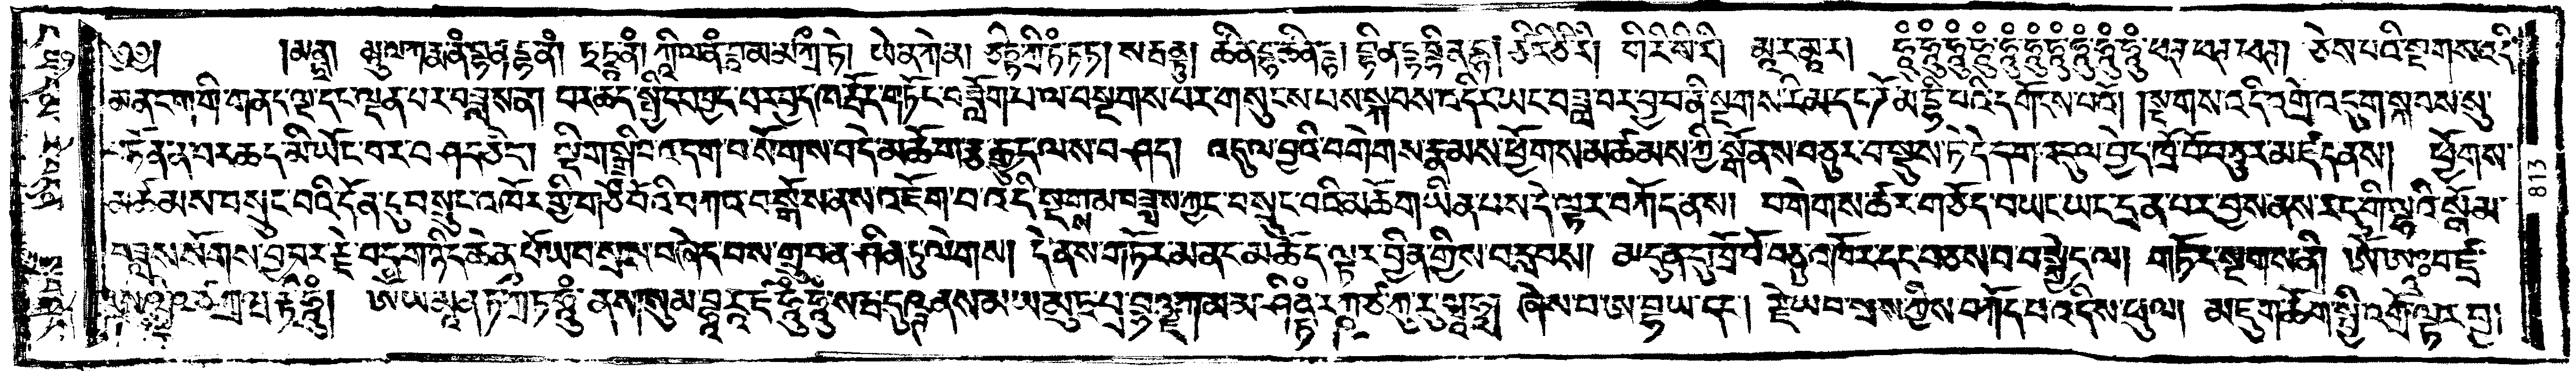༄༅། །ནནྟྲ། མུལ་ཀརྨ་ནཾ་བྷན་དྟ་ནཾ། ཏྲ་ཏྲཱ་ནཾ། ཏྲ་ཏྲཱ་ནཾ། ཀཱི་ལ་ནཾ་བཱ་མ་མྀ་ཀྲི་ཏེ། ཡེ་ན་ཀེ་ན། ཙིཏྟ་ཀྲི་ཏཾ་ཏ་ཏ། སརྦ་ནྟུ། ཚིན་དྷ་ཚིན་དྷ། བྷིནྡ་དྷ་བྷིན་དྷ། ཙི་རི་ཙི་རི། གི་རི་གི་རི། མཱ་ར་མཱ་ར། ཧཱུཾ་ཧཱུཾ་ཧཱུཾ་ཧཱུཾ་ཧཱུཾ་ཧཱུཾ་ཧཱུཾ་ཧཱུཾ་ཧཱུཾ་ཧཱུཾ་ཕཊ་ཕཊ་ཕཊ། ཅེས་པའི་སྔགས་འདི་
མན་ངག་གི་གནད་ལྔ་དང་ལྡན་པར་བཟླས་ན། བར་ཆད་སྤྱི་དང་ཁྱད་པར་བྱད་ཁ་རྦོད་གཏོང་བཟློག་པ་ལ་བསྔགས་པར་གསུངས་པས་སྐབས་འདིར་ཡང་བཟླ་བར་བྱ་བ་ནི་སྔགས་རིམ་དང་ཌོམ་དྷི་བའི་དགོངས་པའོ། །སྔགས་འདི་འགྲོ་འདུག་སྐབས་སུ་
བཏོན་ན་བར་ཆད་མི་ཡོང་བར་བཤད་ཅིང་། སྡིག་སྒྲིབ་འདག་པ་སོགས་བདེ་མཆོག་རྩ་རྒྱུད་ལས་བཤད། འདུལ་བྱའི་བགེགས་རྣམས་ཕྱོགས་མཚམས་ཀྱི་སྒོ་ནས་བཅུར་བསྡུས་ཏེ་དེ་དག་འདུལ་བྱེད་ཁྲོ་བོ་བཅུར་མཛད་ནས། ཕྱོགས་
མཚམས་བསྲུང་བའི་དོན་དུ་བསྲུང་འཁོར་གྱི་གཙོ་བོའི་བཀའ་བསྒོས་ནས་འཇོག་པ་འདི་སྔགས་མ་བཟླས་ཀྱང་བསྲུང་བའི་མཆོག་ཡིན་པས་དེ་ལྟར་བཀོད་ནས། བགེགས་ཚར་གཅོད་པ་ཡང་ཡང་དྲན་པར་བྱས་ནས་རང་གི་ལྷའི་སྒོམ་
བཟླས་སོགས་བྱ་བར་རྗེ་བདག་ཉིད་ཆེན་པོ་ཡབ་སྲས་བཞེད་པས་གྲུབ་ན་ཤིན་ཏུ་ལེགས། དེ་ནས་གཏོར་མ་ནང་མཆོད་ལྟར་བྱིན་གྱིས་བརླབས། མདུན་དུ་ཁྲོ་བོ་བཅུ་འཁོར་དང་བཅས་པ་བསྐྱེད་ལ། གཏོར་སྔགས་ནི། ཨོཾ་ཨཱཿ བཛྲ་
ཨུཥྞཱི་ཥ་ཙཀྲ་ཝ་རྟི་ཧཱུཾ། ཨོཾ་ཡ་མཱན་ཏྀ་ཀྲ་ཏ་ཧཱུཾ་ནས། སུམ་བྷཱ་རཱ་ཛ་ཧཱུཾ་ཧཱུཾ་སརྦ་དུཥྚ་ན་ས་མ་ཡ་མུ་ཏྲ་པྲ་བྷཉྫ་ཀ་མ་མ་ཤིནྟཾ་རཀྵཾ་ཙ་ཀུ་རུ་ཝཱ་ཧཱ། ཞེས་པ་ཨ་བྷ་ཡ་དང་། རྗེ་ཡབ་སྲས་ཀྱིས་བཀོད་པ་འདིས་ཕུལ། མཇུག་ཚོག་སྤྱི་འགྲོ་ལྟར་བྱ།